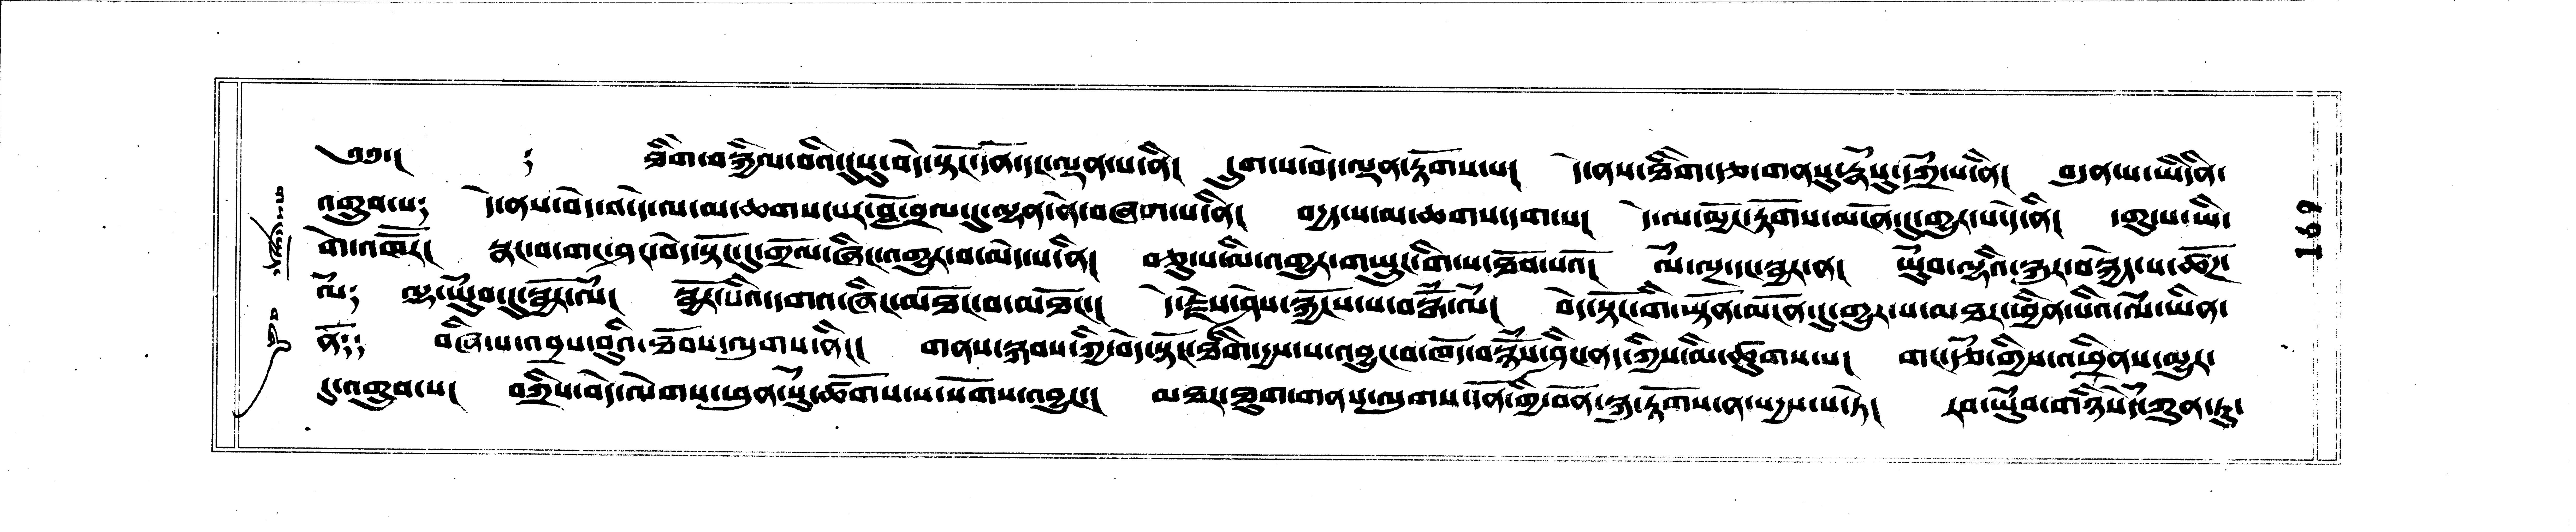ཐིག་ལེ་སྐྱིལ་བའི་དུས་སུ་བདེ་སྟོང་དོན་དང་ལྡན་པ་ནི། དྲུག་པ་བདེ་ལྡན་རྟོགས་པ། དེ་ནས་ཐིག་ལེ་རྩ་གནས་སུ་རྣམ་པར་བཀྲམ་པ་ནི། བདུན་པ་ཡིད་བཞིན་
འགྲུབ་པ། དེ་ནས་བདེ་བ་དེ་ལ་མ་ཆགས་པར་བློ་བྲལ་དུ་ལྷན་ནེ་བཞག་པ་ནི། བརྒྱད་པ་མ་ཆགས་དག་པ། དེ་ལ་མྱོང་རྟོགས་མངོན་དུ་གྱུར་པ་ད་ནི། དགུ་པ་ཡི་
གེ་འཁོར་ལོ། སྣང་བ་གང་ཤར་བདེ་སྟོང་དུ་གྲོལ་ནས་འགྱུར་བ་མེད་པ་ནི། བཅུ་པ་མི་འགྱུར་གཡུང་དྲུང་གི་ས་ཐོབ་པའོ། །ལམ་ལྔ་དང་སྦྱར་ན། ཡབ་ཡུམ་ལྷའི་སྐུར་བསྐྱེད་པ་ཚོགས་
ལམ། ལྷ་ཡབ་ཡུམ་དུ་སྦྱོར་བ་སྦྱོར་ལམ། སྦྱོར་བའི་དགའ་ཞིང་མཐོང་བ་མཐོང་ལམ། དེ་རྗེས་ཤེས་སྐྱོང་བ་སྒོམ་ལམ། བདེ་སྟོང་གི་ཡོན་ཏན་མངོན་དུ་གྱུར་པ་མཐར་ཕྱིན་པའི་ལམ་ཡིན་
ནོ། །བཞི་པ་འབྲས་བུའི་ཐོབ་ལུགས་ནི། གནས་སྐབས་ཀྱི་བདེ་སྟོང་ཐིག་ལེ་རྒྱས་པ་འབྱུང་བ་ཁོད་སྙོམས་ཤིང་ནས་ཀྱིས་མི་ཚུགས་པ། གང་བརྩམ་གྱི་འཕྲིན་ལས་མྱུར་
དུ་འགྲུབ་པ། བཀྲ་ཤིས་བདེ་ལེགས་ཕུན་སུམ་ཚོགས་པ་སོགས་འབྱུང་། མཐར་ཐུག་གནས་ལུགས་དོན་གྱི་བོན་སྐུ་རྟོགས་ནས་སངས་རྒྱས་པ་སྟེ། རབ་ཡབ་ཡུམ་གཉིས་མེད་ཀུན་ཏུ་